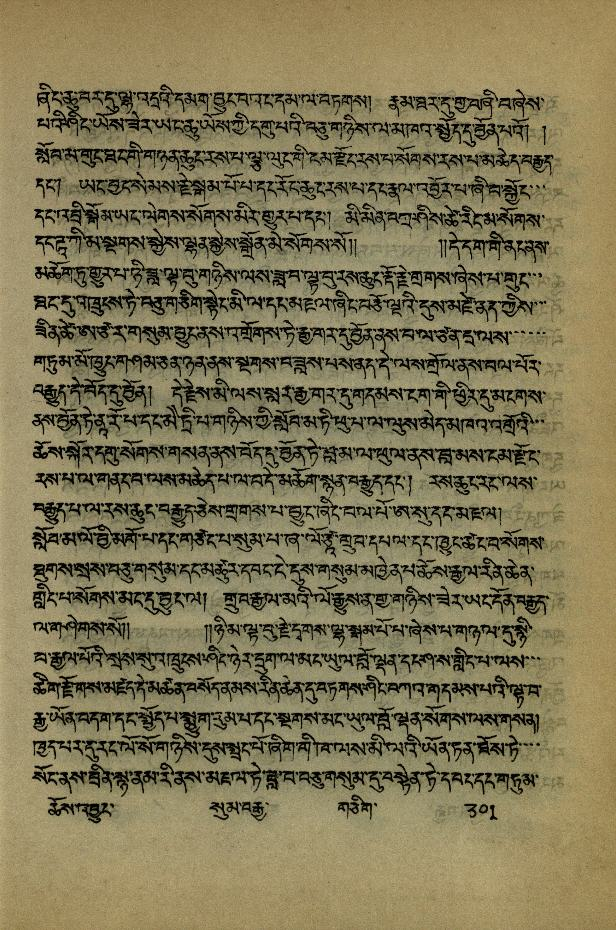ཞིང་ཆུ་བར་དུ་ལྷ་འདྲའི་དམག་བྱུང་བའང་དམ་ལ་བཏགས། རྣམ་ཐར་དུ་གྱ་བཞི་བཞེས་
པའི་ཤིང་ཡོས་ཟེར་ཡང་ཆུ་ཡོས་ཀྱི་དགུ་པའི་བཅུ་གཉིས་ལ་མཁའ་སྤྱོད་དུ་བྱོན་པའོ། །
སློབ་མ་གུང་ཐང་གི་གཉན་ཆུང་རས་པ་ལྕ་ལུང་གི་ངམ་རྫོང་རས་པ་སོགས་རས་པ་མཆེད་བརྒྱད་
དང་། ཡང་བྱང་སེམས་རྗེ་སྒམ་པོ་པ་དང་རོང་ཆུང་རས་པ་དང་རྣལ་འབྱོར་པ་ཞི་བསྐྱོང་
དང་འབྲི་སྒོམ་ཡང་ལེགས་སོགས་མིར་གྱུར་པ་དང་། མི་མིན་བཀྲ་ཤིས་ཚེ་རིང་མ་སོགས་
དང་ཌཱ་ཀི་མ་སྔགས་སྐྱེས་ལྷན་སྐྱེས་སྒྲོན་མེ་སོགས་སོ།། །།དེ་དག་གི་ནང་ནས་
མཆོག་ཏུ་གྱུར་པ་ཉི་ཟླ་ལྟ་བུ་གཉིས་ལས་ཟླ་བ་ལྟ་བུ་རས་ཆུང་རྡོ་རྗེ་གྲགས་ཞེས་པ་གུང་
ཐང་དུ་འཁྲུངས་ཏེ་བཅུ་གཅིག་སྟེང་མི་ལ་དང་མཇལ་ཞིང་བཅོ་ལྔའི་དུས་མཛེ་ནད་ཀྱིས་
ཟིན་ཚེ་ཨ་ཙ་ར་གསུམ་བྱུང་ནས་འགྲོགས་ཏེ་རྒྱ་གར་དུ་བྱོན་ནས་བ་ལ་ཙན་དྲ་ལས་
གཏུམ་མོ་ཁྱུང་གཤམ་ཅན་ཉན་ནས་སྔགས་བཟླས་པས་ནད་དེ་ལས་གྲོལ་ནས་བལ་པོར་
བརྒྱུད་དེ་བོད་དུ་བྱོན། དེ་རྗེས་མི་ལས་སླར་རྒྱ་གར་དུ་གདམས་ངག་གི་ཕྱིར་དུ་མངགས་
ནས་བྱོན་ཏེ་ནཱ་རོ་པ་དང་མཻ་ཏྲི་པ་གཉིས་ཀྱི་སློབ་མ་ཏི་ཕུ་པ་ལ་ལུས་མེད་མཁའ་འགྲོའི་
ཆོས་སྐོར་དགུ་སོགས་གསན་ནས་བོད་དུ་བྱོན་ཏེ་བླ་མ་ལ་ཕུལ་ནས་བླ་མས་ངམ་རྫོང་
རས་པ་ལ་གནང་བ་ལས་མཆེད་པ་ལ་བདེ་མཆོག་སྙན་བརྒྱུད་དང་། རས་ཆུང་རང་ལས་
བརྒྱུད་པ་ལ་རས་ཆུང་བརྒྱུད་ཅེས་གྲགས་པ་བྱུང་ཞིང་བལ་པོ་ཨ་སུ་དང་མཇལ།
སློབ་མ་ལོ་བྱི་མགོ་པ་དང་གཙང་པ་སུམ་པ་ཞ་ལོ་ཙཱ་གྲུབ་དཔལ་དང་ཁྱུང་ཚང་བ་སོགས་
ཐུགས་སྲས་བཅུ་གསུམ་དང་མཚུར་དབང་དེ་དུས་གསུམ་མཁྱེན་པ་ཆོས་རྒྱལ་རིན་ཆེན་
གླིང་པ་སོགས་མང་དུ་བྱུང་ལ། གྲུབ་རྒྱལ་མའི་ལོ་རྒྱུས་ན་གྱ་གཉིས་ཟེར་ཡང་དོན་བརྒྱད་
ལ་གཤེགས་སོ།། །།ཉི་མ་ལྟ་བུ་རྗེ་དྭགས་ལྷ་སྒམ་པོ་པ་ཞེས་པ་གཉལ་དུ་སྙི་
བ་རྒྱལ་པོའི་སྲས་སུ་འཁྲུངས་ཤིང་ཉེར་དྲུག་ལ་མང་ཡུལ་བློ་ལྡན་དང་ཤ་ས་གླིང་པ་ལས་
ཚིག་རྫོགས་མཛད་དེ་མཚན་བསོད་ནམས་རིན་ཆེན་དུ་བཏགས་ཤིང་བཀའ་གདམས་པའི་ལྟ་བ་
རྒྱ་ཡོན་བདག་དང་སྤྱོད་པ་སྨྱུག་རུམ་པ་དང་སྔགས་མང་ཡུལ་བློ་ལྡན་སོགས་ལས་གསན།
ཁྱད་པར་དུ་རང་ལོ་སོ་གཉིས་དུས་སྤྲང་པོ་ཞིག་གི་ཁ་ལས་མི་ལའི་ཡོན་ཏན་ཐོས་ཏེ་
སོང་ནས་བྲིན་སྙ་ནམ་རི་ནས་མཇལ་ཏེ་ཟླ་བ་བཅུ་གསུམ་དུ་བསྟེན་ཏེ་དབང་དང་གཏུ་